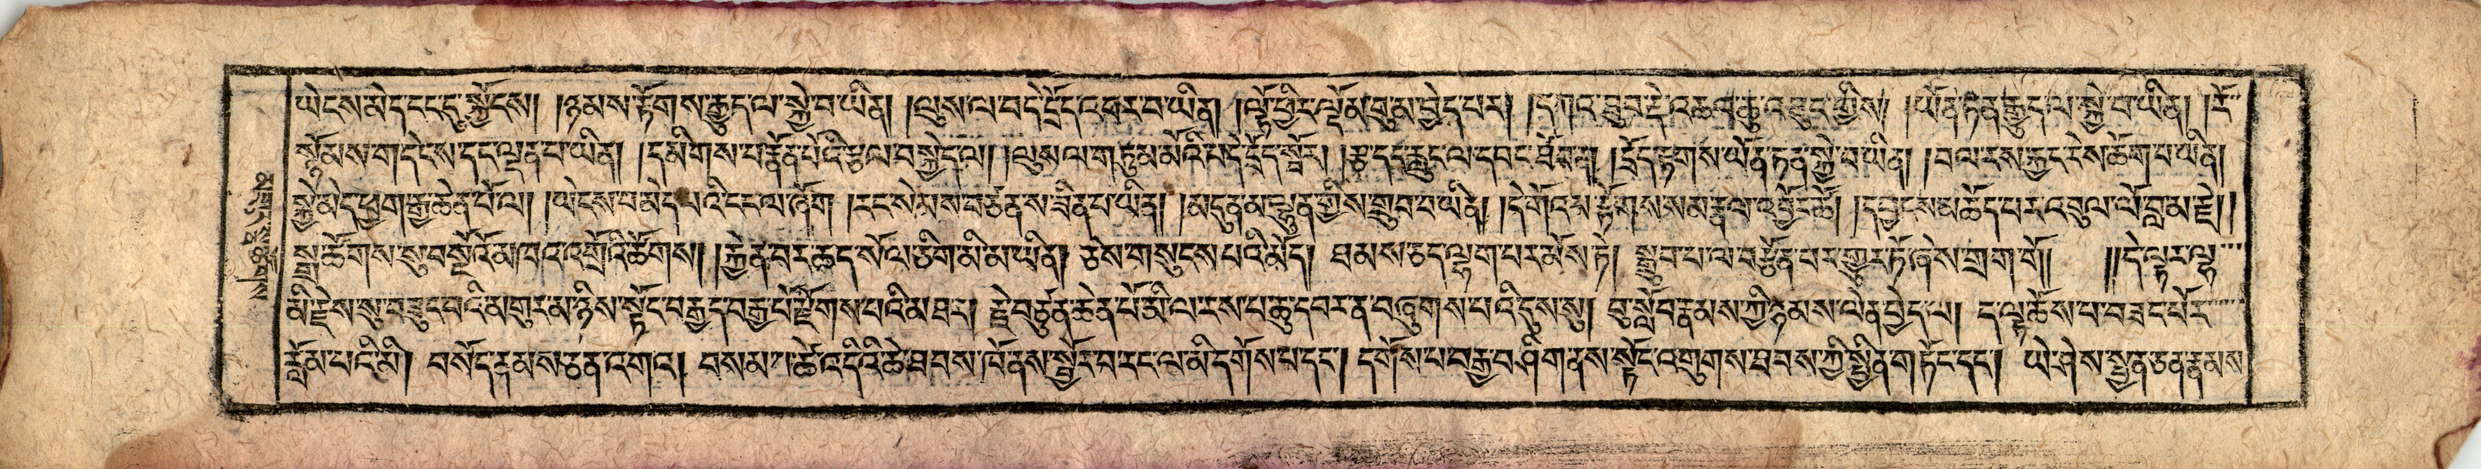ཡེངས་མེད་ངང་དུ་སྐྱོངས། །ཉམས་རྟོགས་རྒྱུད་ལ་སྐྱེ་བ་ཡིན། །ལུས་ལ་བདེ་དྲོད་འབར་བ་ཡིན། །ལྟེ་ཕྱིར་ལྡོམ་བུ་མ་བྱེད་པར། །དཀའ་བ་རྗེ་འཆག་ཆུ་འཐུང་གྱིས། །ཡོན་ཏན་རྒྱུད་ལ་སྐྱེ་བ་ཡིན། །རོ་
སྙོམས་གདེངས་དང་ལྡན་པ་ཡིན། །དམིགས་པ་རྣོན་པོའི་རྩལ་བསྐྱེད་ལ། །ལུམ་ལ་གཏུམ་མོའི་བདེ་དྲོད་སྤོར། །རྩ་དང་རླུང་ལ་དབང་ཐོབ་ན། །དྲོད་རྟགས་ཡོན་ཏན་སྐྱེ་བ་ཡིན། །བལ་རས་རྐྱང་རེས་ཆོག་པ་ཡིན། །
སྐྱེ་མེད་ཕྱག་རྒྱ་ཆེན་པོ་ལ། །ཡེངས་པ་མེད་པའི་ངང་ལ་ཞོག །རང་སེམས་བཙན་ས་ཟིན་པ་ཡིན། །མདུན་མ་ལྷུན་གྱིས་གྲུབ་པ་ཡིན། །དེ་གོ་འམ་རྟོགས་སམ་རྣལ་འབྱོར་ཚོ། །དབྱངས་མཆོད་པར་འབུལ་ལོ་བླ་མ་རྗེ།།
སྒྲ་ཚོགས་སུ་བསྔོ་འོ་མཁའ་འགྲོའི་ཚོགས། །རྐྱེན་བར་ཆད་སེལ་ཅིག་མི་མ་ཡིན། །ཅེས་གསུངས་པའི་མོད། ཐམས་ཅད་ལྷག་པར་མོས་ཏེ། སྒྲུབ་པ་ལ་བརྩོན་པར་གྱུར་ཏོ་ཞེས་གྲག་གོ། །དེ་ལྟར་ལྷ་
མི་རྗེས་སུ་བཟུང་བའི་མགུར་མ་ཉིས་སྟོང་བརྒྱད་བརྒྱ་པོ་རྫོགས་པའི་མཐར། རྗེ་བཙུན་ཆེན་པོ་མི་ལ་རས་པ་ཆུ་དབར་ན་བཞུགས་པའི་དུས་སུ། བུ་སློབ་རྣམས་ཀྱི་ཉམས་ལེན་བྱེད་པ། ད་ལྟ་ཆོས་པ་བཟང་པོར་
རློམ་པའི་མི། བསོད་ནམས་ཅན་འགའ། བསམ་ཚེ་འདིའི་ཆེ་ཐབས་ཁོ་ནས་སྦྱོར་བ་རང་ལ་མི་དགོས་པ་དང་། དགོས་པ་བརྒྱ་བཤིག་ནས་སྟོང་འགུགས་ཐབས་ཀྱི་སྦྱིན་གཏོང་དང་། ཡེ་ཤེས་སྤྱན་ཅན་རྣམས་